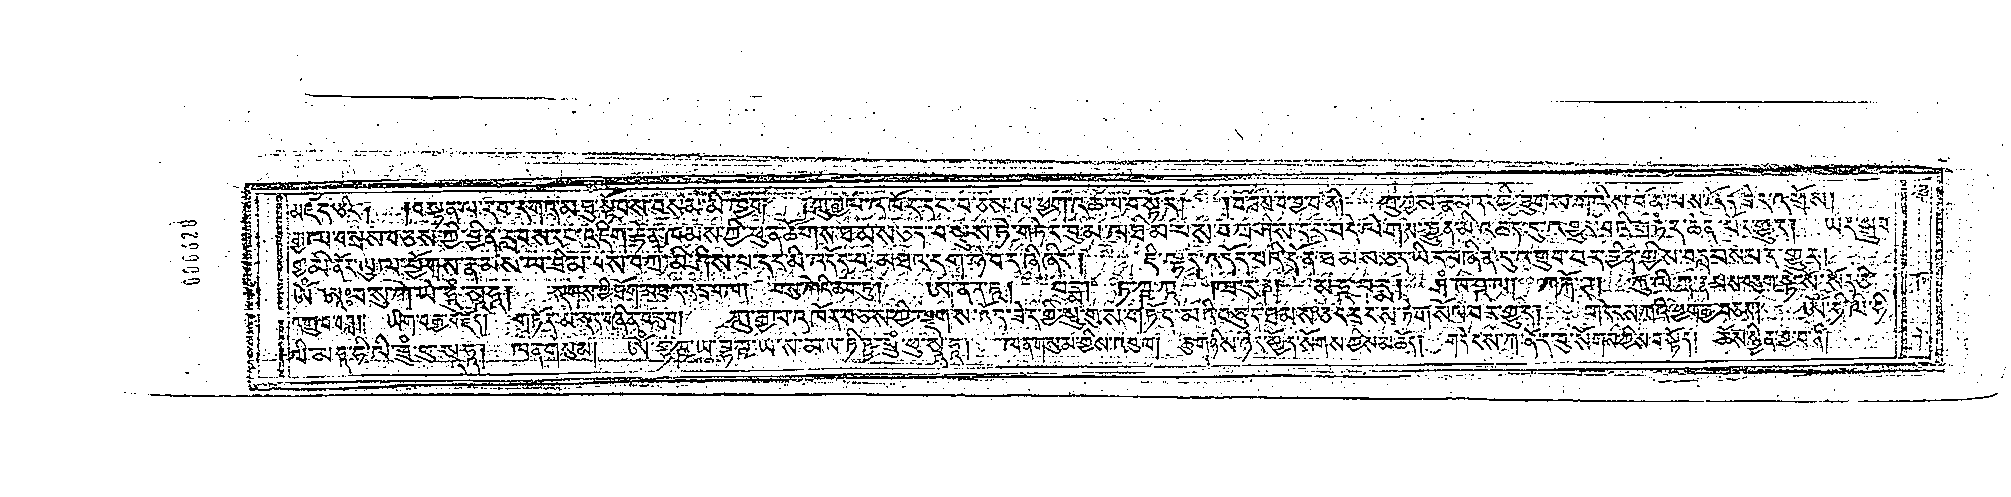མཛད་ཅིང་། །བསྟན་ལ་རབ་དགའ་མཐུ་སྟོབས་བསམ་མི་ཁྱབ༑ །ཀླུ་རྒྱལ་འཁོར་དང་བཅས་ལ་ཕྱག་འཚལ་བསྟོད། །བཟླས་བ་བྱ་བ་ནི། ཀླུ་ཀྱས་རྣམ་འང་ཐུགས་ཀའི་ས་བོན་ལས་འོད་ཟེར་འཕྲོས།
རྒྱལ་བ་སྲས་བཅས་ཀྱི་བྱིན་རླབས་དང་འཇིག་རྟེན་ཁམས་ཀྱི་ཕུན་ཚོགས་ཐམས་ཅད་བསྡུས་ཏེ་གཏེར་བུམ་ལ་ཐིམ་པས་བཀྲ་ཤིས་དང་བདེ་ལེགས་རྒྱུན་མི་འཆད་དུ་འབྱུང་བའི་གཏེར་ཆེན་པོར་གྱུར། ཡང་སྒྲུབ་
བྱ་མི་ནོར་ཡུལ་ཕྱོགས་རྣམས་ལ་ཐིམ་པས་བཀྲ་མི་ཤིས་པ་དང་མི་འདོད་པ་མཐའ་དག་ཉེ་བར་ཞི་ཞིང་། ཇི་ལྟར་འདོད་པའི་དོན་ཐམས་ཅད་ཡིད་བཞིན་དུ་འགྲུབ་པར་བྱིན་གྱིས་བརླབས་པར་གྱུར།
ཨོཾ་ཨཱཿ་བ་སུ་ཀེ་ཡེ་ཧཱུཾ་སྭཱཧཱ། སྔགས་ཀྱི་ཐོག་མཐའ་འདྲ་བ་ལ། བ་སུ་ཀེའི་ཚབ་ཏུ། ཨ་ནན་ཏཱ། པདམ། ཏ་ཀྵ་ཀཱ །ཝ་རུ་ཎ། མ་ཧཱ་པདམ། ཤཾ་ཁ་པཱ་ལ། ཀརྐོ་ཊ། ཀུ་ལི་ཀ་རྣམས་བཅུག་སྟེ་སོ་སོར་ཅི་
འགྲུབ་བཟླ། ཡིག་བརྒྱ་བརྗོད། གཏོར་མ་སྔར་བཞིན་བརླབ། ཀླུ་རྒྱལ་འཁོར་བཅས་ཀྱི་ལྗགས་འོད་ཟེར་གྱི་སྤུ་གུས་གཏོར་མའི་བཅུད་ཐམས་ཅད་དྲངས་ཏེ་གསོལ་བར་གྱུར། གདེངས་ཀའི་ཕྱག་རྒྱ་བཅས། ཨོཾ་ཧི་ལི་ཧི་
ལི་མ་ཧཱ་ཧི་ལི་ཕྲུཾ་ཕུ་སྭཱཧཱ། ལན་གསུམ། ཨོཾ་བྷཀྵ་ཡ་བྷ་ཀྵ་ཡ་ས་མ་ཡ་ཏིཥཊཿཨ་ཕྲུམ་ཕུ་སྭཱཧཱ། ལན་གསུམ་གྱིས་འབུལ། ཆུ་གཉིས་ཉེར་སྤྱོད་སོགས་ཀྱིས་མཆོད། གདེངས་ཀ་ནོར་བུ་སོགས་ཀྱིས་བསྟོད། ཆོས་སྦྱིན་བྱ་བ་ནི།